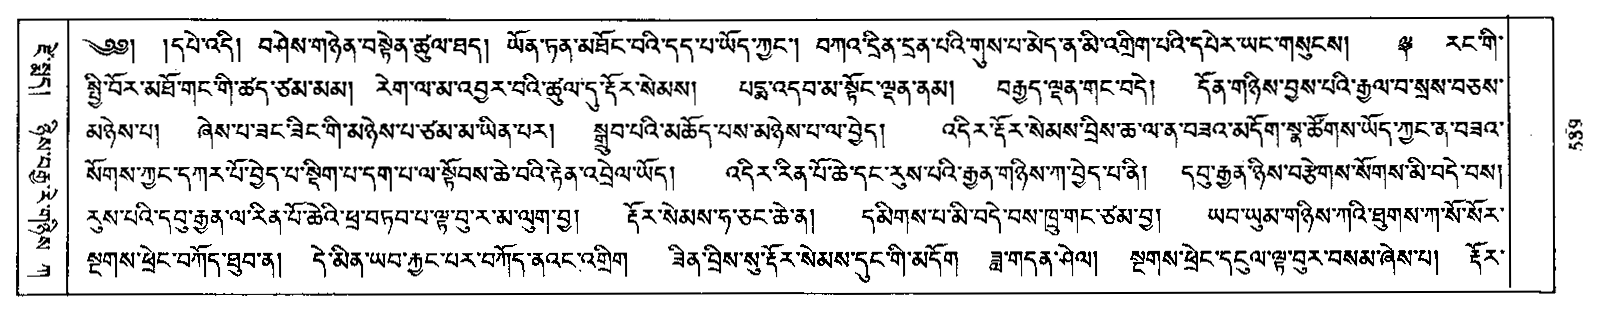༄༅། །དཔེ་འདི། བཤེས་གཉེན་བསྟེན་ཚུལ་ཐད། ཡོན་ཏན་མཐོང་བའི་དད་པ་ཡོད་ཀྱང་། བཀའ་དྲིན་དྲན་པའི་གུས་པ་མེད་ན་མི་འགྲིག་པའི་དཔེར་ཡང་གསུངས། ༈ རང་གི་
སྤྱི་བོར་མཐོ་གང་གི་ཚད་ཙམ་མམ། རེག་ལ་མ་འབྱར་བའི་ཚུལ་དུ་རྡོར་སེམས། པདམ་འདབ་མ་སྟོང་ལྡན་ནམ། བརྒྱད་ལྡན་གང་བདེ། དོན་གཉིས་བྱས་པའི་རྒྱལ་བ་སྲས་བཅས་
མཉེས་པ། ཞེས་པ་ཟང་ཟིང་གི་མཉེས་པ་ཙམ་མ་ཡིན་པར། སྒྲུབ་པའི་མཆོད་པས་མཉེས་པ་ལ་བྱེད། འདིར་རྡོར་སེམས་བྲིས་ཆ་ལ་ན་བཟའ་མདོག་སྣ་ཚོགས་ཡོད་ཀྱང་ན་བཟའ་
སོགས་ཀྱང་དཀར་པོ་བྱེད་པ་སྡིག་པ་དག་པ་ལ་སྟོབས་ཆེ་བའི་རྟེན་འབྲེལ་ཡོད། འདིར་རིན་པོ་ཆེ་དང་རུས་པའི་རྒྱན་གཉིས་ཀ་བྱེད་པ་ནི། དབུ་རྒྱན་ཉིས་བརྩེགས་སོགས་མི་བདེ་བས།
རུས་པའི་དབུ་རྒྱན་ལ་རིན་པོ་ཆེའི་ཕྲ་བཏབ་པ་ལྟ་བུ་ར་མ་ལུག་བྱ། རྡོར་སེམས་ཧ་ཅང་ཆེ་ན། དམིགས་པ་མི་བདེ་བས་ཁྲུ་གང་ཙམ་བྱ། ཡབ་ཡུམ་གཉིས་ཀའི་ཐུགས་ཀ་སོ་སོར་
སྔགས་ཕྲེང་བཀོད་ཐུབ་ན། དེ་མིན་ཡབ་རྐྱང་པར་བཀོད་ནའང་འགྲིག་ཟིན་བྲིས་སུ་རྡོར་སེམས་དུང་གི་མདོག་ཟླ་གདན་ཤེལ། སྔགས་ཕྲེང་དངུལ་ལྟ་བུར་བསམ་ཞེས་པ། རྡོར་